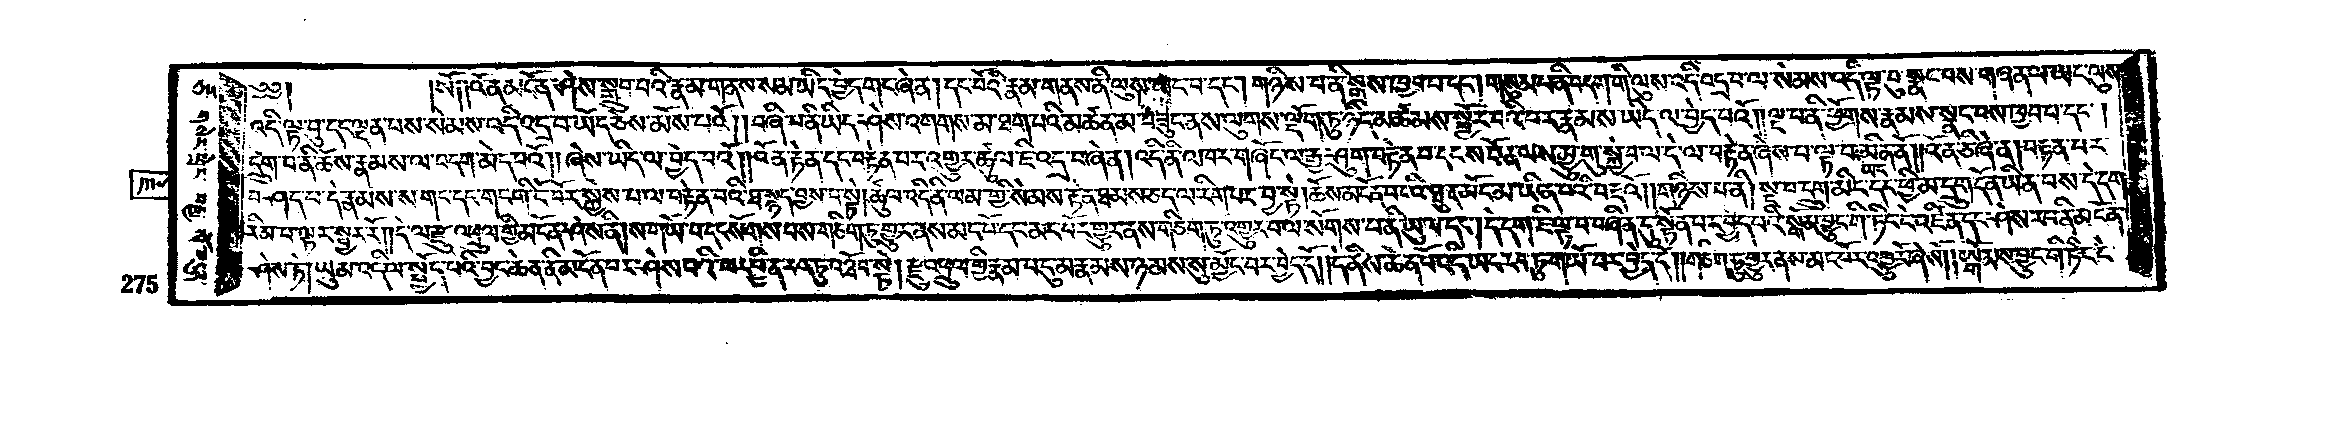༄༅། །སོ། །འོ་ན་མངོན་ཤེས་སྒྲུབ་པའི་རྣམ་གནས་སམ་ཡིད་བྱེད་གང་ཞེ་ན། དང་པོའི་རྣམ་གནས་ནི་ལུས་ཡང་བ་དང་། གཉིས་པ་ནི་སྒྲས་ཁྱབ་པ་དང་། གསུམ་པ་ནི་བདག་གི་ལུས་འདི་འདྲ་བ་ལ་སེམས་འདི་ལྟ་བུ་སྣང་བས་གཞན་ལ་ཡང་ལུས་
འདི་ལྟ་བུ་དང་ལྡན་པས་སེམས་འདི་འདྲ་བ་ཡོད་ཅེས་མོས་པའོ། །བཞི་པ་ནི་ཡིད་ཤེས་འགགས་མ་ཐག་པའི་མཚན་མ་བཟུང་ནས་ལུགས་ལྡོག་ཏུ་ཉིད་མཚམས་སྦྱོར་བའི་བར་རྣམས་ཡིད་ལ་བྱེད་པའོ། །ལྔ་པ་ནི་ཕྱོགས་རྣམས་སྣང་བས་ཁྱབ་པ་དང་།
དྲུག་པ་ནི་ཆོས་རྣམས་ལ་བདག་མེད་པའོ། །ཞེས་ཡིད་ལ་བྱེད་པའོ། །འོ་ན་རྟེན་དང་བརྟེན་པར་འགྱུར་ཚུལ་ཇི་འདྲ་བ་ཞེ་ན། འདི་ནི་འཁར་གཞོང་ལ་རྒྱ་ཤུག་བརྟེན་པ་དང་ས་བོན་ལས་མྱུ་གུ་སྐྱེ་བ་ལ་དེ་ལ་བརྟེན་ཞེས་པ་ལྟ་བུ་ཡང་མིན་ནོ། །འོ་ན་ཅི་ཞེ་ན། བརྟན་པར་
བཤད་པ་དེ་རྣམས་ས་གང་དག་གང་གི་ངོ་བོར་སྐྱེས་པ་ལ་བརྟེན་པའི་ཐ་སྙད་བྱས་པ་སྟེ། ཚུལ་འདི་ནི་ལམ་གྱི་སེམས་རྟེན་ཐམས་ཅད་ལ་རིག་པར་བྱ་སྟེ། ཆོས་མངོན་པ་བའི་ཐུན་མོང་མ་ཡིན་པའི་བརྡའོ། །གཉིས་པ་ནི། སྔ་པ་དྲུག་མིང་དང་ཕྱི་མ་དྲུག་དོན་ཡིན་པས་དེ་དག་
རིམ་པ་ལྟར་སྦྱར་རོ། །དེ་ལ་རྫུ་འཕྲུལ་གྱི་མངོན་ཤེས་ནི། ས་གཡོ་བ་དང་སོགས་པས་གཅིག་ཏུ་གྱུར་ནས་མང་པོ་དང་མང་པོར་གྱུར་ནས་གཅིག་ཏུ་འགྱུར་བ་ལ་སོགས་པ་ནི་ཡུལ་དང་། དེ་དག་ཇི་ལྟ་བ་བཞིན་དུ་སྟོན་པར་བྱེད་པའི་སྒོམ་བྱུང་གི་ཏིང་ངེ་འཛིན་དང་ཤེས་རབ་ནི་མངོན་
ཤེས་ཏེ། ཡུམ་འདི་ལ་སྤྱོད་པའི་བྱང་ཆེན་ནི་མངོན་པར་ཤེས་པའི་ཕར་ཕྱིན་རབ་ཏུ་འཐོབ་སྟེ། རྫུ་འཕྲུལ་གྱི་རྣམ་པ་དུ་མ་རྣམས་ཉམས་སུ་མྱོང་བར་བྱེད་དོ། །དེ་ནི་ས་ཆེན་པོ་འདི་ཡང་རབ་ཏུ་གཡོ་བར་བྱེད་དེ། །གཅིག་ཏུ་གྱུར་ནས་མང་པོར་འགྱུར་རོ་ཞེས་སོ། །བསྒོམས་བྱུང་གི་ཏིང་ངེ་